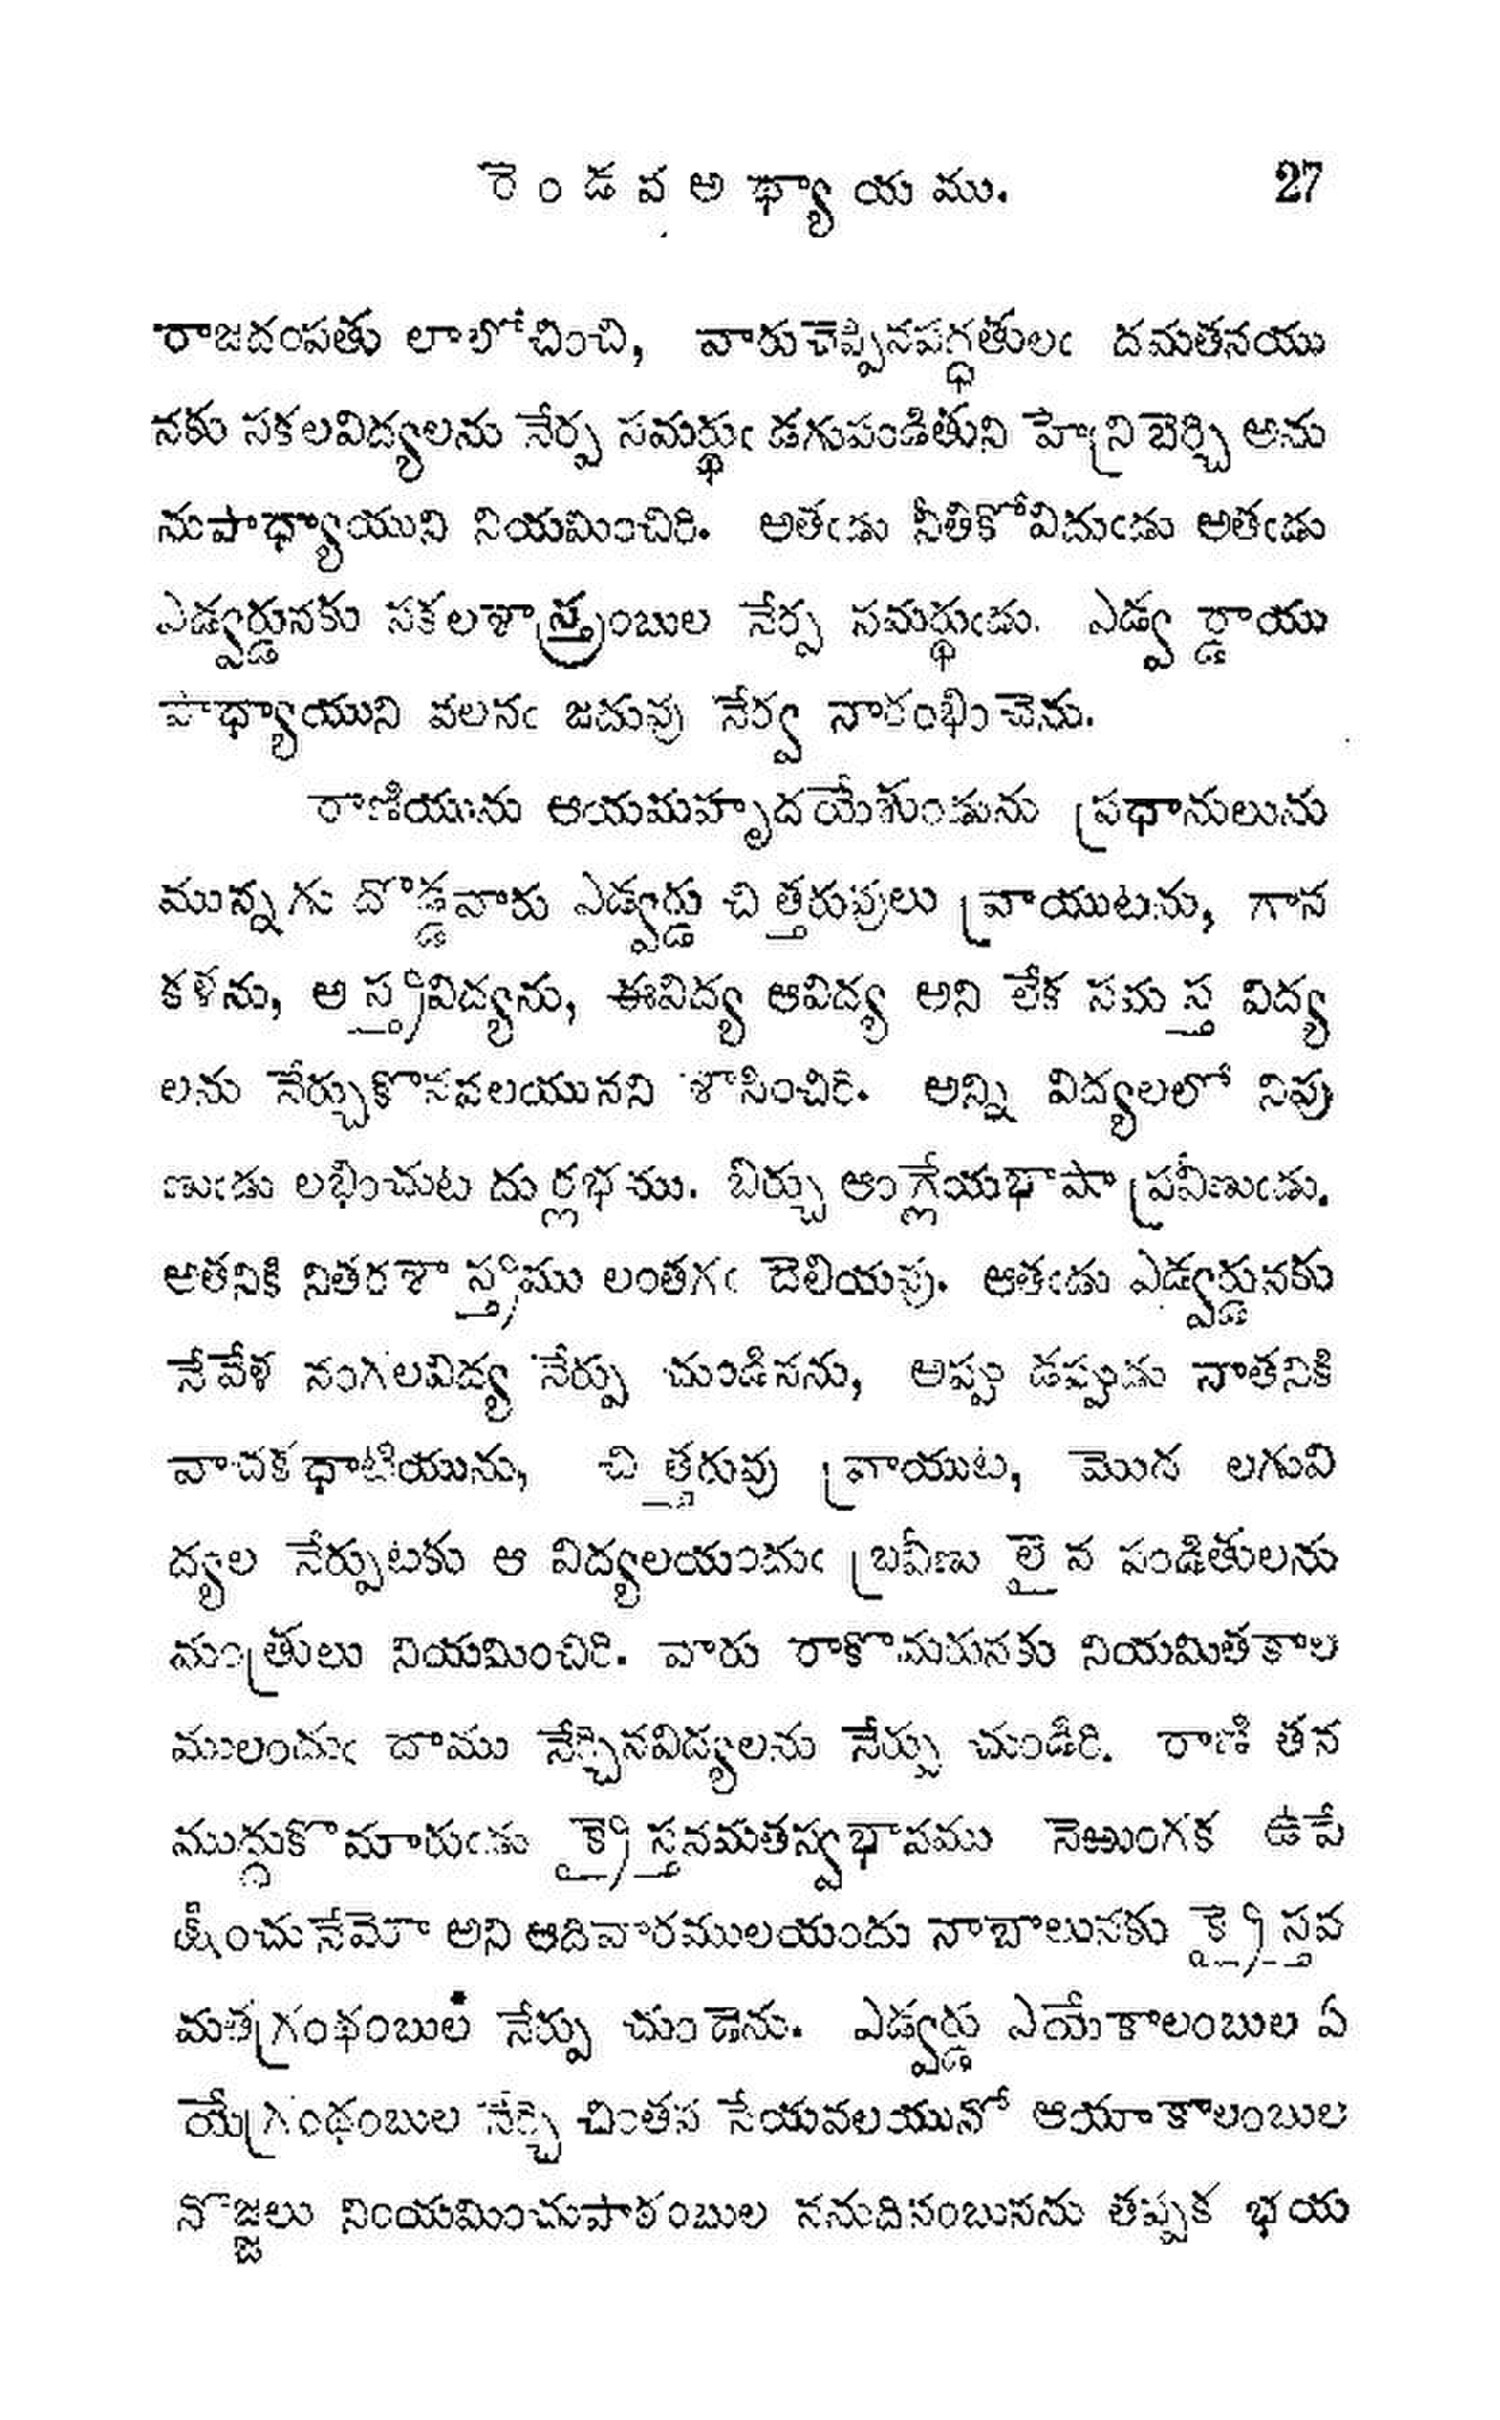'రాజదంపతు లాలోచించి, వారు చెప్పిన పద్ధతులఁ దమతనయునకు సకలవిద్యలను నేర్ప సమర్థుఁ డగుపండితుని హేన్రిబెర్చి అను నుపాధ్యాయుని నియమించిరి. అతఁడు నీతికోవిదుఁడు అతఁడు
ఎడ్వర్డునకు సకల శాస్త్రంబుల నేర్ప సమర్థుఁడు.. ఎడ్వర్ణాయుపాధ్యాయుని వలనఁ జదువు నేర్వ నారంభిం చెను.రాణీయు:ను ఆయమహృదయేశుంకును ప్రధానులునుమున్నగు దొడ్డనారు ఎడ్వర్డు చిత్తరువులు వ్రాయుటను, గానకళను, అస్త్రవిద్యను, ఈవిద్య ఆవిద్య అని లేక సమస్త విద్య
లను నేర్చుకొన వలయునని శాసించిరి. అన్ని విద్యలలో నిపుణుడు లభించుట దుర్లభము. బీర్చు ఆంగ్లేయ భాషా ప్రవీణుఁడు.ఆతనికి నితరశాస్త్రము లంతగఁ తెలియవు, ఆతఁడు ఎడ్వర్డునకు
నేవేళ నంగలవిద్య నేర్పు చుండినను, అప్పుడప్పుడు నాతనికి వాచక ధాటియును, చిత్తరువు వ్రాయుట, మొద లగు విద్యల నేర్పుటకు ఆ విద్యలయందుఁ బ్రవీణు లైన పండితులను
మంత్రులు నియమించిరి. వారు రాకొమకునకు నియమిత కాలములందుఁ దాము నేర్చిన విద్యలను నేర్చు చుండిరి. రాణి తన ముద్దు కొమారుఁడు క్రైస్తనమత స్వభావము నెఱుంగక ఉపేక్షించు నేమో అని ఆది వారములయందు నాబాలునకు క్రైస్తవమత గ్రంథంబుల నేర్పు చుండెను. ఎడ్వర్డు ఏయే కాలంబుల ఏయేగ్రంథంబుల నీర్చి చింతన చేయవలయునో ఆయా కాలంబులనొజ్జలు నింయమించుపాఠంబుల ననుదినంబునను తప్పక భయ